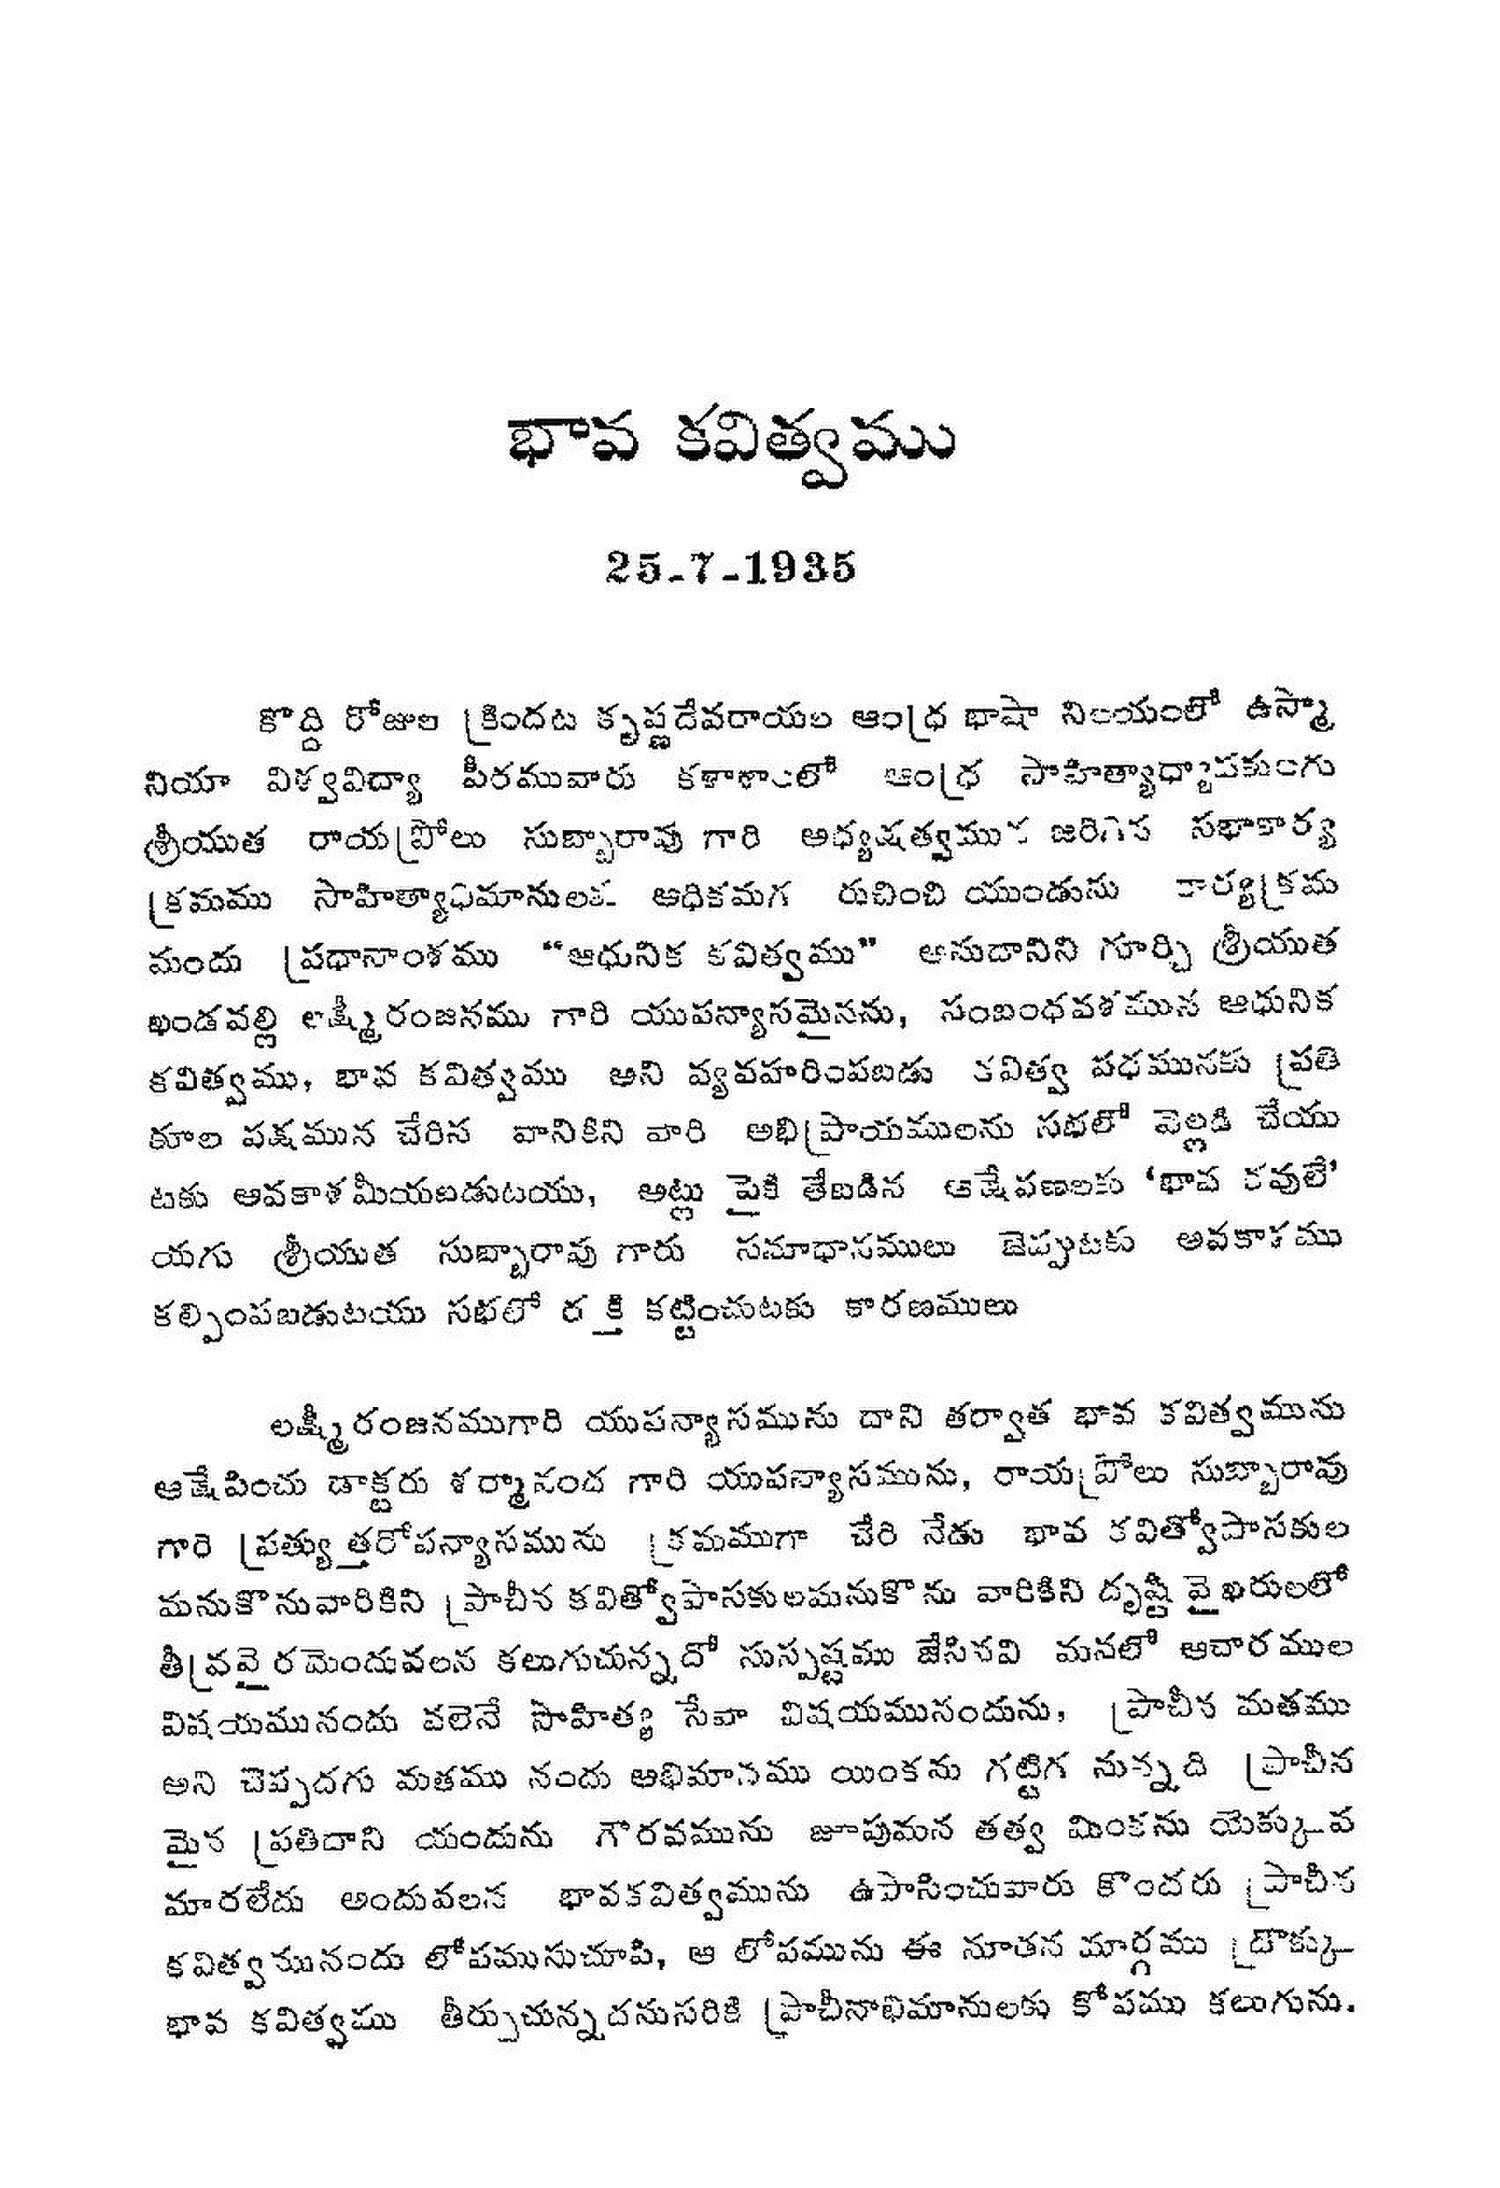భావ కవిత్వము

25 - 7 - 1935

కొద్ది రోజుల క్రిందట కృష్ణదేవరాయల ఆంధ్ర భాషా నిలయంలో ఉస్మానియా విశ్వవిద్యా పీఠమువారు కళాశాలలో ఆంధ్ర సాహిత్యాధ్యాపకులగు శ్రీయుత రాయప్రోలు సుబ్బారావు గారి అధ్యక్షత్వమున జరిగిన సభాకార్యక్రమము సాహిత్యాభిమానులకు అధికముగ రుచించి యుండును కార్యక్రమ మందు ప్రధానాంశము "ఆధునిక కవిత్వము" అనుదానిని గూర్చి శ్రీయుత ఖండవల్లి లక్ష్మీరంజనము గారి యుపన్యాసమైనను, సంబంధవశమున ఆధునిక
కవిత్వము, భావ కవిత్వము అని వ్యవహరింపబడు కవిత్వ పధమునకు ప్రతికూల పక్షమున చేరిన వానికిని వారి అభిప్రాయములను సభలో వెల్లడి చేయుటకు అవకాశమీయబడుటయు, అట్లు పైకి తేబడిన ఆక్షేపణలకు 'భావ కవులే' యగు శ్రీయుత సుబ్బారావు గారు సమాధానములు జెప్పుటకు అవకాశము కల్పింపబడుటయు సభలో రక్తి కట్టించుటకు కారణములు

లక్ష్మీరంజనముగారి యుపన్యాసమును దాని తర్వాత భావ కవిత్వమును ఆక్షేపించు డాక్టరు శర్మానంద గారి యుపన్యాసమును, రాయప్రోలు సుబ్బారావుగారి ప్రత్యుత్తరోపన్యాసమును క్రమముగా చేరి నేడు భావ కవిత్వోపాసకుల మనుకొనువారికిని ప్రాచీన కవిత్వోపాసకులమనుకొను వారికిని దృష్టి వైఖరులలో తీవ్రవైరమెందువలన కలుగుచున్నదో సుస్పష్టము జేసినవి మనలో ఆచారములు విషయమునందు వలెనే సాహిత్య సేవా విషయమునందును, ప్రాచీన మతము అని చెప్పదగు మతము నందు అభిమానము యింకను గట్టిగ నున్నది ప్రాచీనమైన ప్రతిదాని యందును గౌరవమును జూపుమన తత్వ మింకను యెక్కువ మారలేదు అందువలన భావకవిత్వమును ఉపాసించువారు కొందరు ప్రాచీన కవిత్వమునందు లోపముసు చూపి, ఆ లోపమును ఈ నూతన మార్గము ద్రొక్కు భావ కవిత్వము తీర్చుచున్నదనుసరికి ప్రాచీనాభిమానులకు కోపము కలుగును.